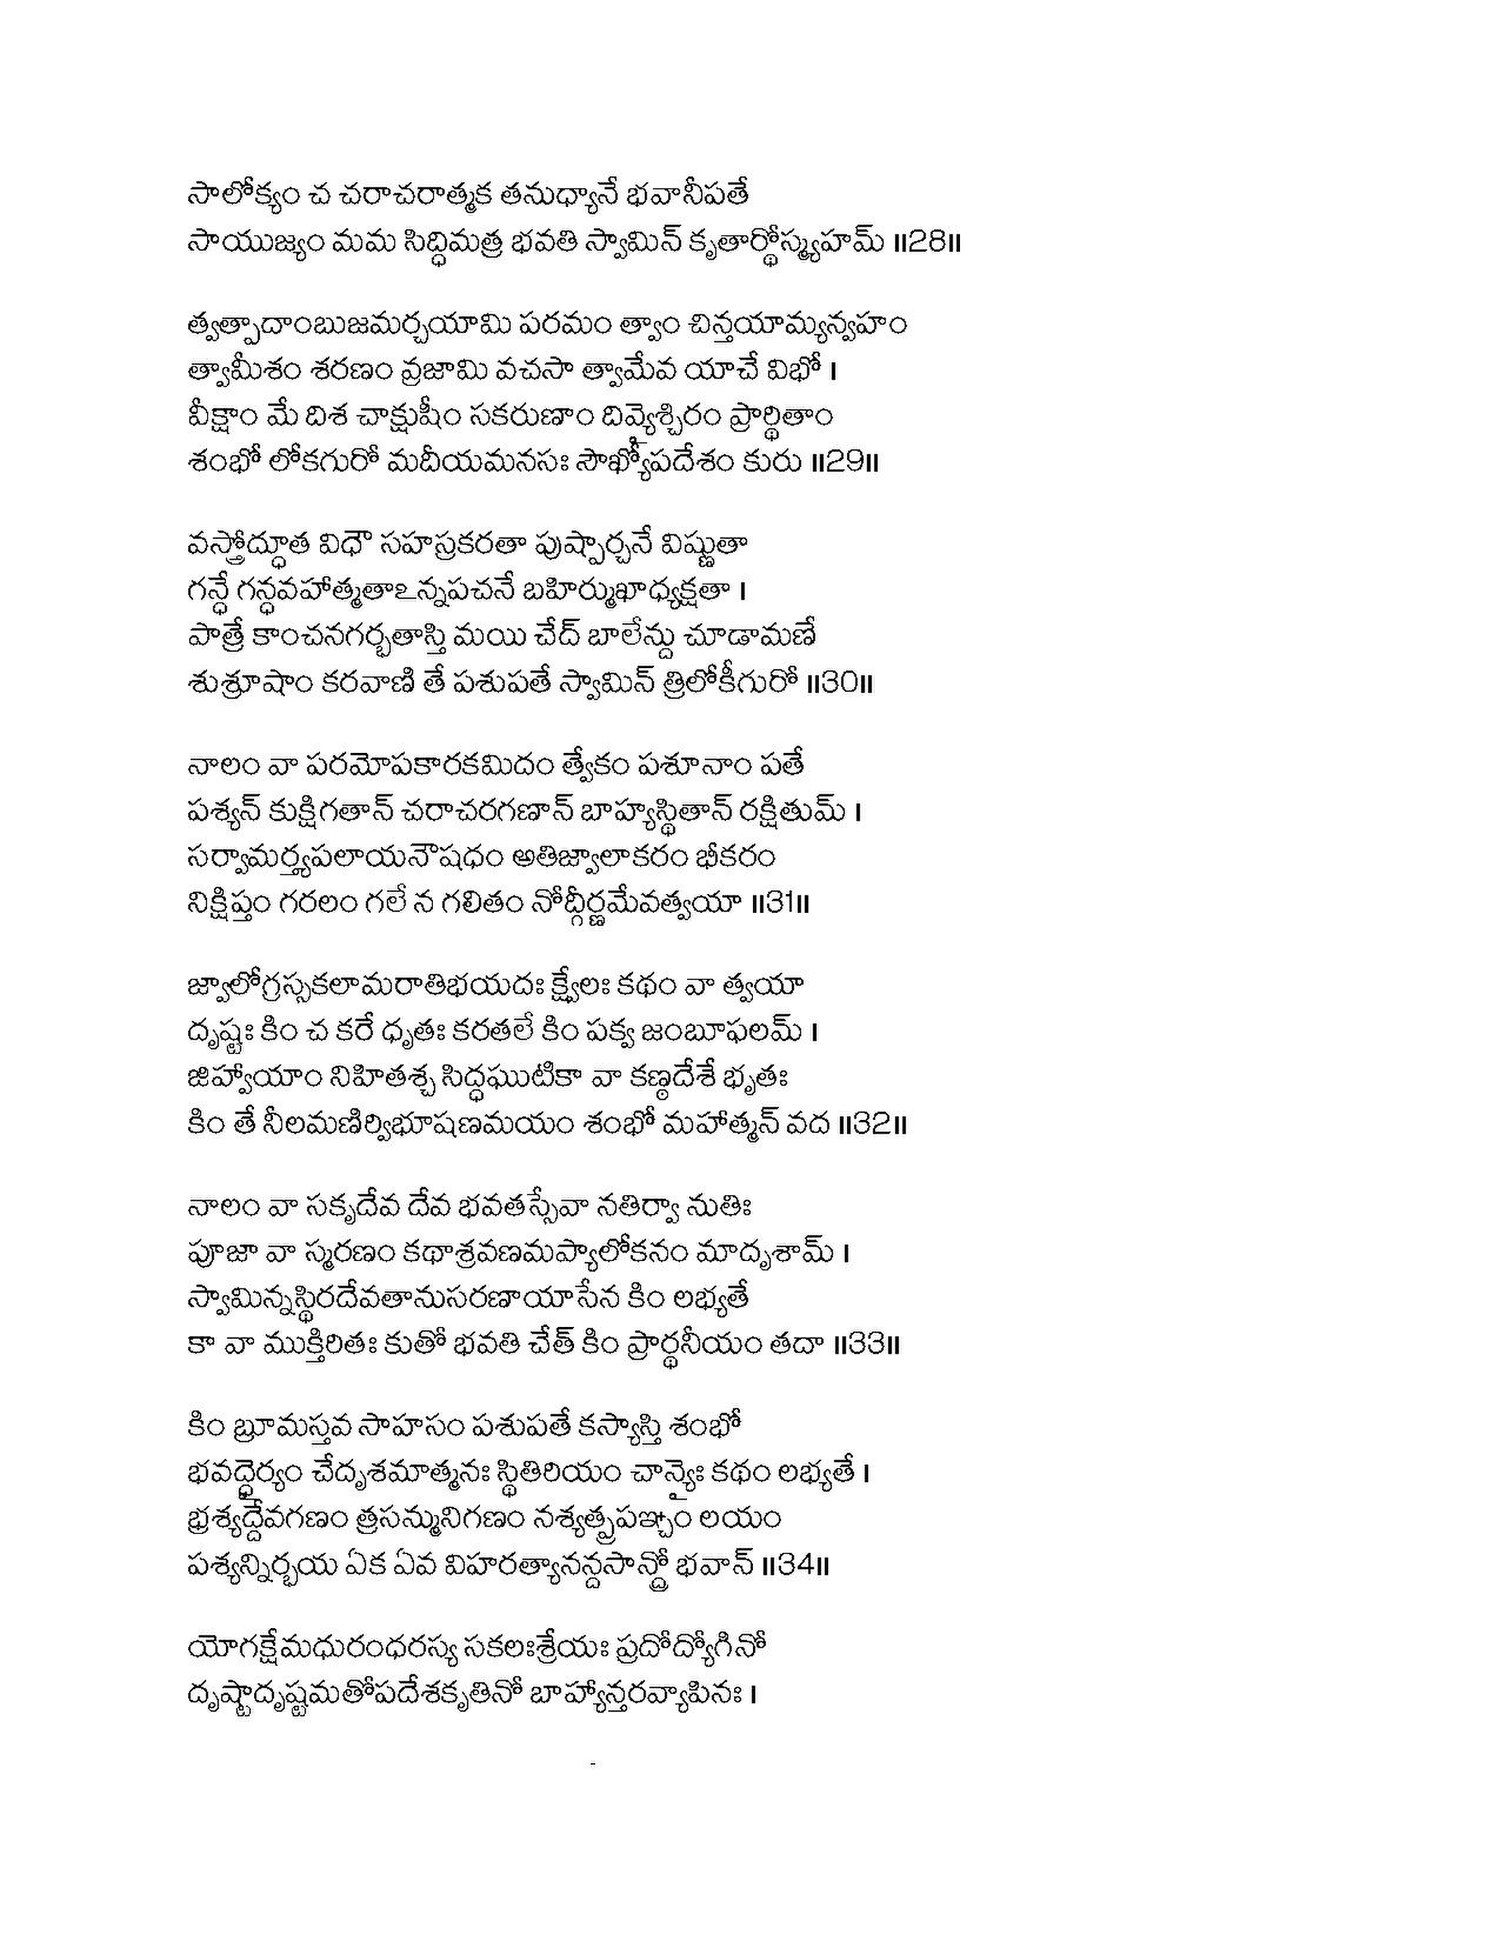సాలోక్యం చ చరాచరాత్మక తనుధ్యానే భవానీపతే
సాయుజ్యం మమ సిద్ధిమత్ర భవతి స్వామిన్ కృతార్థోస్మ్యహమ్ ||28||

త్వత్పాదాంబుజమర్చయామి పరమం త్వాం చిన్తయామ్యన్వహం
త్వామీశం శరణం వ్రజామి వచసా త్వామేవ యాచే విభో |
వీక్షాం మే దిశ చాక్షుషీం సకరుణాం దివ్యైశ్చిరం ప్రార్థితాం
శంభో లోకగురో మదీయమనసః సౌఖ్యోపదేశం కురు ||29||

వస్త్రోద్దూత విధౌ సహస్రకరతా పుష్పార్చనే విష్ణుతా
గన్దే గన్ధవహాత్మతా౽న్నపచనే బహిర్ముఖాధ్యక్షతా |
పాత్రే కాంచనగర్భతాస్తి మయి చేద్ బాలేన్దు చూడామణే
శుశ్రూషాం కరవాణి తే పశుపతే స్వామిన్ త్రిలోకీగురో ||30||

నాలం వా పరమోపకారకమిదం త్వేకం పశూనాం పతే
పశ్యన్ కుక్షిగతాన్ చరాచరగణాన్ బాహ్యస్థితాన్ రక్షితుమ్ |
సర్వామర్త్యపలాయనౌషధం అతిజ్వాలాకరం భీకరం
నిక్షిప్తం గరలం గలే న గలితం నోద్గీర్ణమేవత్వయా ||31||

జ్వాలోగ్రస్సకలామరాతిభయదః క్ష్వేలః కథం వా త్వయా
దృష్టః కిం చ కరే ధృతః కరతలే కిం పక్వ జంబూఫలమ్ |
జిహ్వాయాం నిహితశ్చ సిద్ధఘుటికా వా కణ్ఠదేశే భృతః
కిం తే నీలమణిర్విభూషణమయం శంభో మహాత్మన్ వద ||32||

నాలం వా సకృదేవ దేవ భవతస్సేవా నతిర్వా నుతిః
పూజా వా స్మరణం కథాశ్రవణమప్యాలోకనం మాదృశామ్ |
స్వామిన్నస్థిరదేవతానుసరణాయాసేన కిం లభ్యతే
కా వా ముక్తిరితః కుతో భవతి చేత్ కిం ప్రార్థనీయం తదా ||33||

కిం బ్రూమస్తవ సాహసం పశుపతే కస్యాస్తి శంభో
భవద్దైర్యం చేదృశమాత్మనః స్థితిరియం చాన్యైః కథం లభ్యతే |
భ్రశ్యద్దేవగణం త్రసన్మునిగణం నశ్యత్ప్రపఇ్చం లయం
పశ్యన్నిర్భయ ఏక ఏవ విహరత్యానన్దసాన్ద్రో భవాన్ ||34||

యోగక్షేమధురంధరస్య సకల శ్రేయః ప్రదోద్యోగినో
దృష్టాదృష్టమతోపదేశకృతినో బాహ్యాన్తరవ్యాపినః |